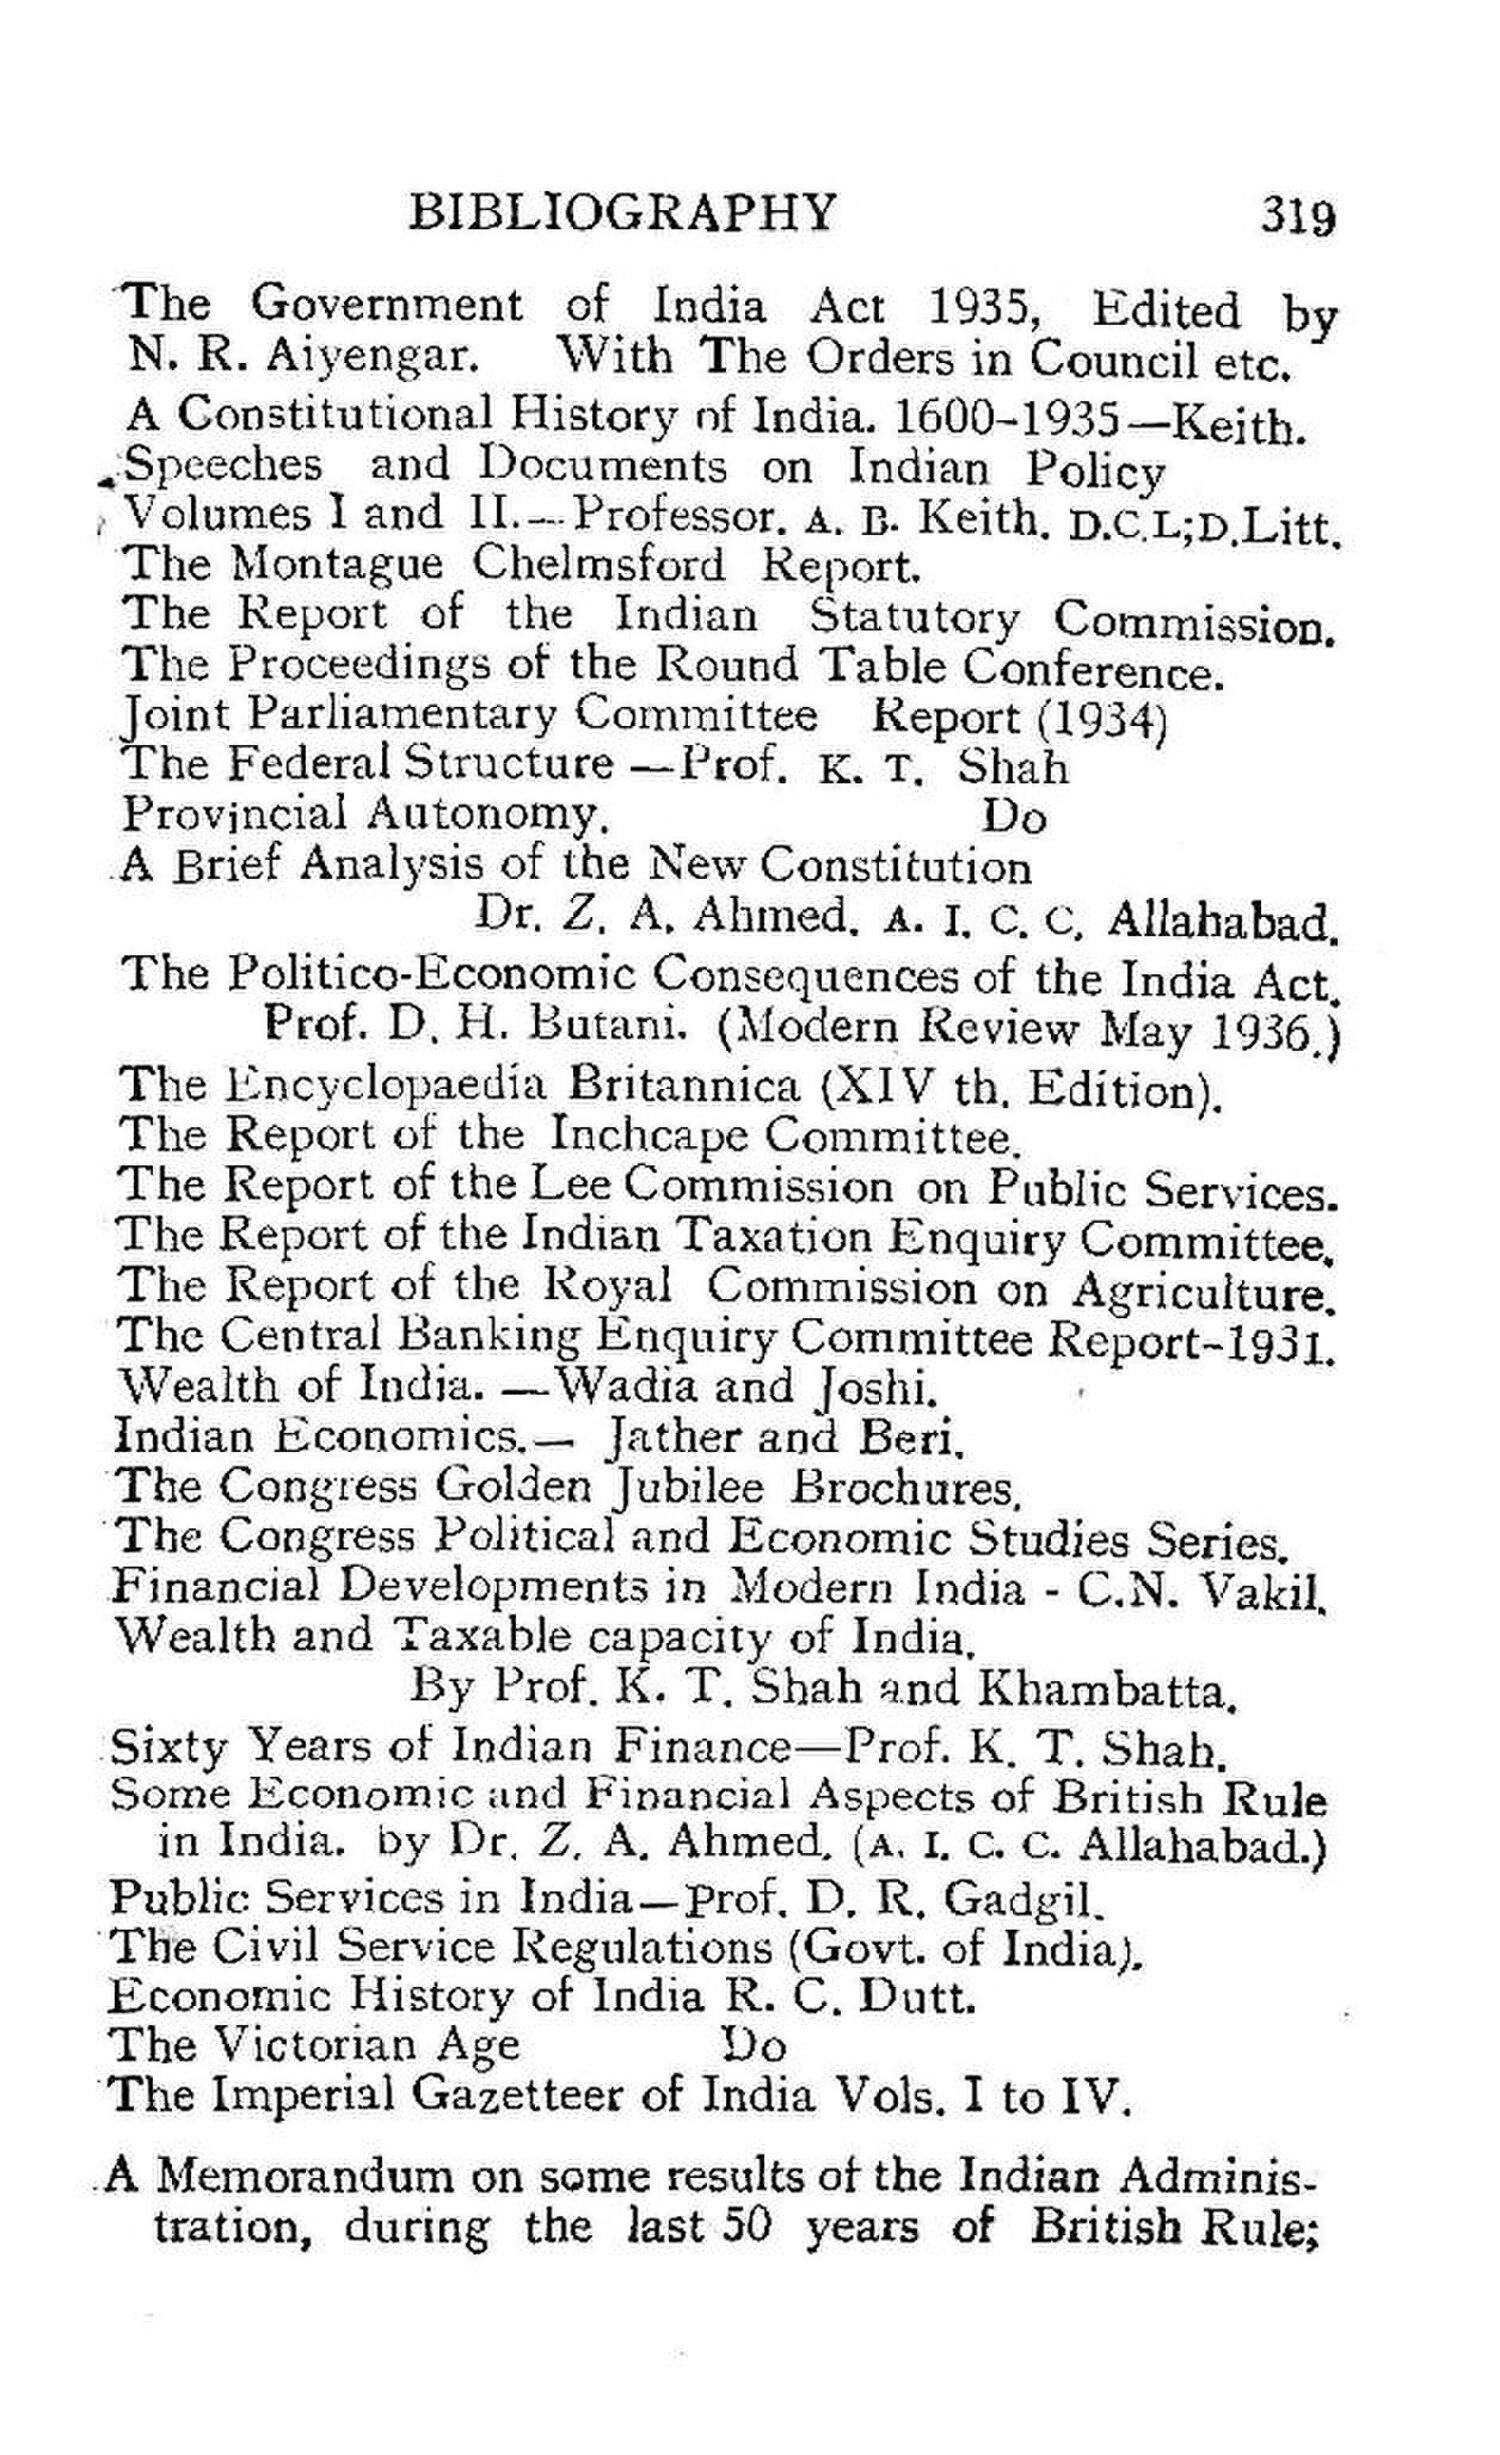BIBLIOGRAPHY 

The Government of India Act 1935, Edited by N. R. Aiyengar. With The Orders in Council etc. 

A Constitutional History of India. 1600-1935—Keith. 

Speeches and Documents on Indian Policy Volumes I and II. - Professor. A. B. Keith. D.C.L;D.Litt. 

The Montague Chelmsford Report 

The Report of the Indian Statutory Commission. 

The Proceedings of the Round Table Conference. Joint Parliamentary Committee Report (1934) 

The Federal Structure - Prof. K. T. Shah 

Provincial Autonomy. Do 

A Brief Analysis of the New Constitution Dr. Z. A. Ahmed. A. I. C.C. Allahabad. 

The Politico-Economic Consequences of the India Act. Prof. D. H. Butani. (Modern Review May 1936.) 

The Encyclopaedia Britannica (XIV th Edition). 

The Report of the Inchcape Committee. 

The Report of the Lee Commission on Public Services. 

The Report of the Indian Taxation Enquiry Committee. 

The Report of the Royal Commission on Agriculture. 

The Central Banking Enquiry Committee Report-1931. 

Wealth of India.— Wadia and Joshi. 

Indian Economics.— Jather and Beri, 

The Congress Golden Jubilee Brochures, 

The Congress Political and Economic Studies Series. 

Financial Developments in Modern India - C.N. Vakil, 

Wealth and Taxable capacity of India, By Prof. K. T. Shah and Khambatta, 

Sixty Years of Indian Finance—Prof. K. T. Shah. 

Some Economic and Financial Aspects of British Rule in India. by Dr. Z. A. Ahmed, (A. I. C. C. Allahabad.) 

Public Services in India—Prof. D. R. Gadgil. 

The Civil Service Regulations (Govt. of India), 

Economic History of India R. C. Dutt. 

The Victorian Age Do 

The Imperial Gazetteer of India Vols. I to IV. 

A Memorandum on some results of the Indian Administration, during the last 50 years of British Rule;